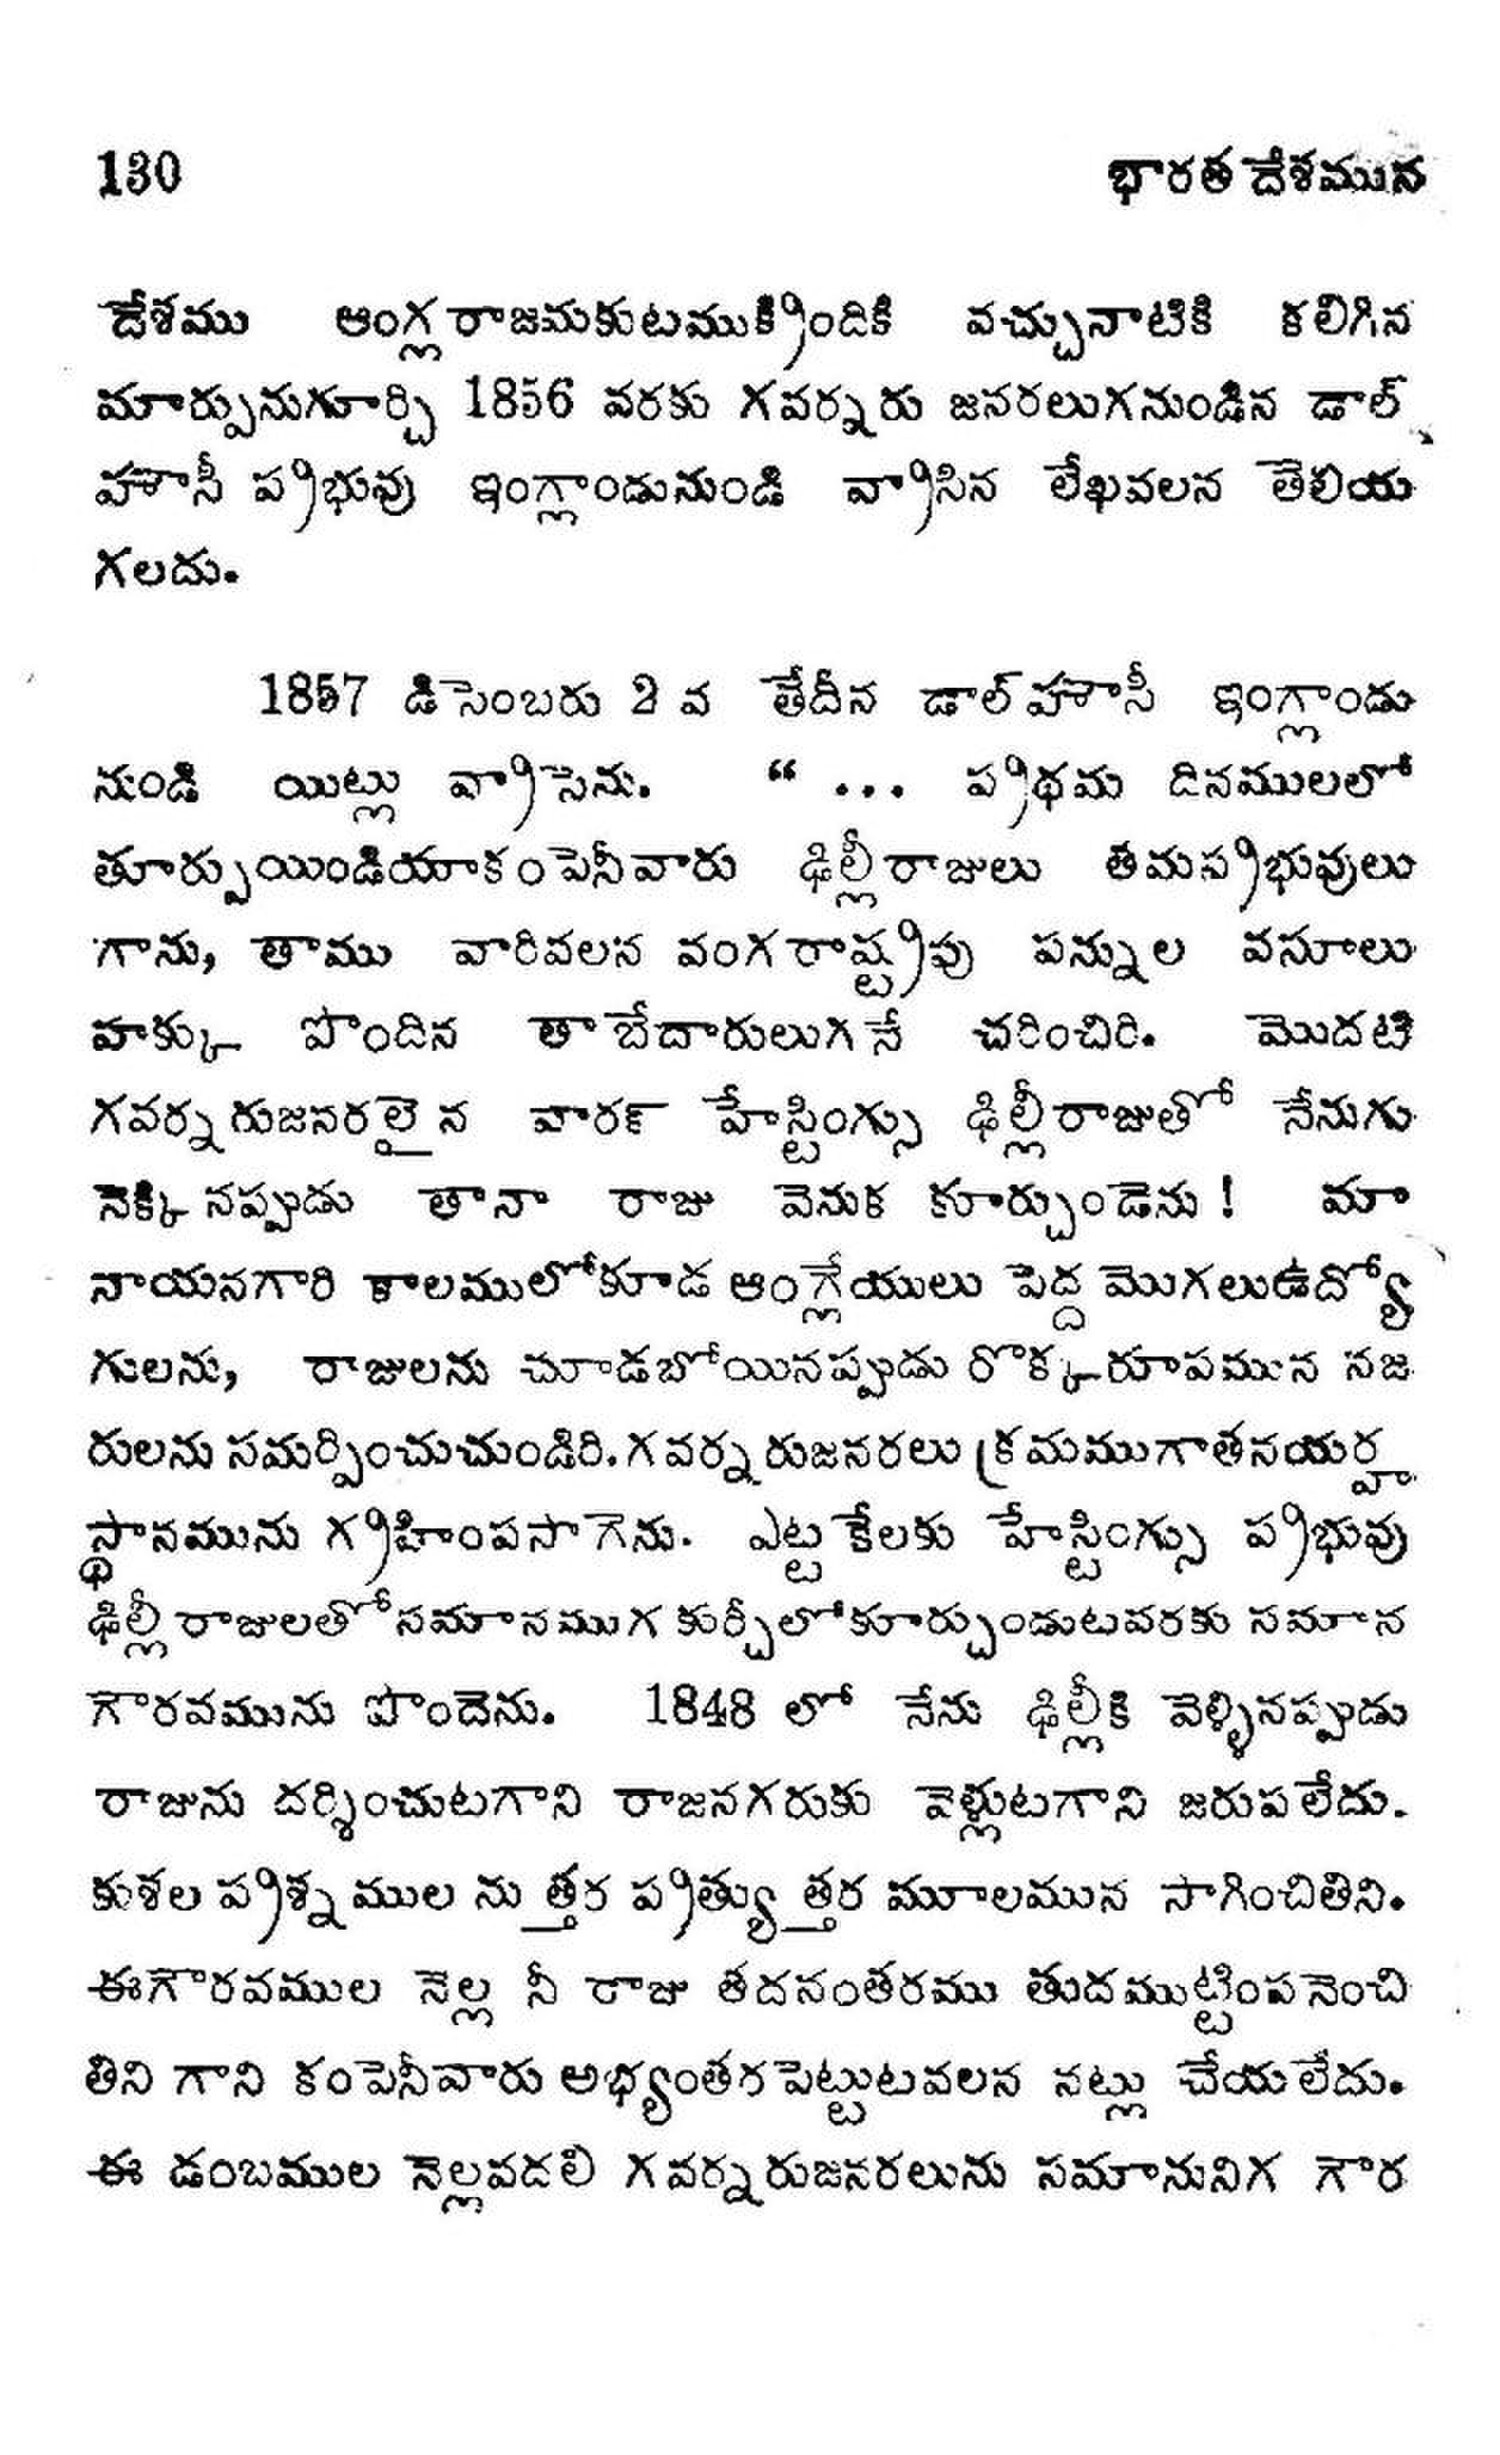దేశము ఆంగ్లరాజమకుటముక్రిందికి వచ్చునాటికి కలిగిన మార్పునుగూర్చి 1856 వరకు గవర్నరు జనరలుగనుండిన డాల్ హౌసీ ప్రభువు ఇంగ్లాండు నుండి వ్రాసిన లేఖవలన తెలియగలదు.

1857 డిసెంబరు 2 వ తేదీన డాల్ హౌసీ ఇంగ్లాండునుండి యిట్లు వ్రాసెను. " ... ప్రథమ దినములలో తూర్పుయిండియాకంపెనీవారు ఢిల్లీరాజులు తమప్రభువులుగాను, తాము వారివలన వంగరాష్ట్రపు పన్నుల వసూలు హక్కు పొందిన తాబేదారులుగనే చరించిరి. మొదటి గవర్నరుజనరలైన వార౯ హేస్టింగ్సు ఢిల్లీరాజుతో నేనుగు నెక్కినప్పుడు తానా రాజు వెనుక కూర్చుండెను ! మా నాయనగారి కాలములోకూడ ఆంగ్లేయులు పెద్ద మొగలు ఉద్యోగులను, రాజులను చూడబోయినప్పుడు రొక్కరూపమున నజరులను సమర్పించుచుండిరి. గవర్నరుజనరలు క్రమముగా తనయర్హస్థానమును గ్రహింపసాగెను. ఎట్టకేలకు హేస్టింగ్సు ప్రభువు ఢిల్లీరాజులతో సమానముగ కుర్చీలోకూర్చుండుటవరకు సమాన గౌరవమును పొందెను. 1848 లో నేను ఢిల్లీకి వెళ్ళినప్పుడు రాజును దర్శించుటగాని రాజనగరుకు వెళ్లుటగాని జరుపలేదు. కుశలప్రశ్నముల నుత్తరప్రత్యుత్తర మూలమున సాగించితిని. ఈ గౌరవముల నెల్ల నీ రాజు తదనంతరము తుదముట్టింపనెంచితిని గాని కంపెనీవారు అభ్యంతర పెట్టుటవలన నట్లు చేయలేదు. ఈ డంబముల నెల్లవదలి గవర్నరుజనరలును సమానునిగ గౌర